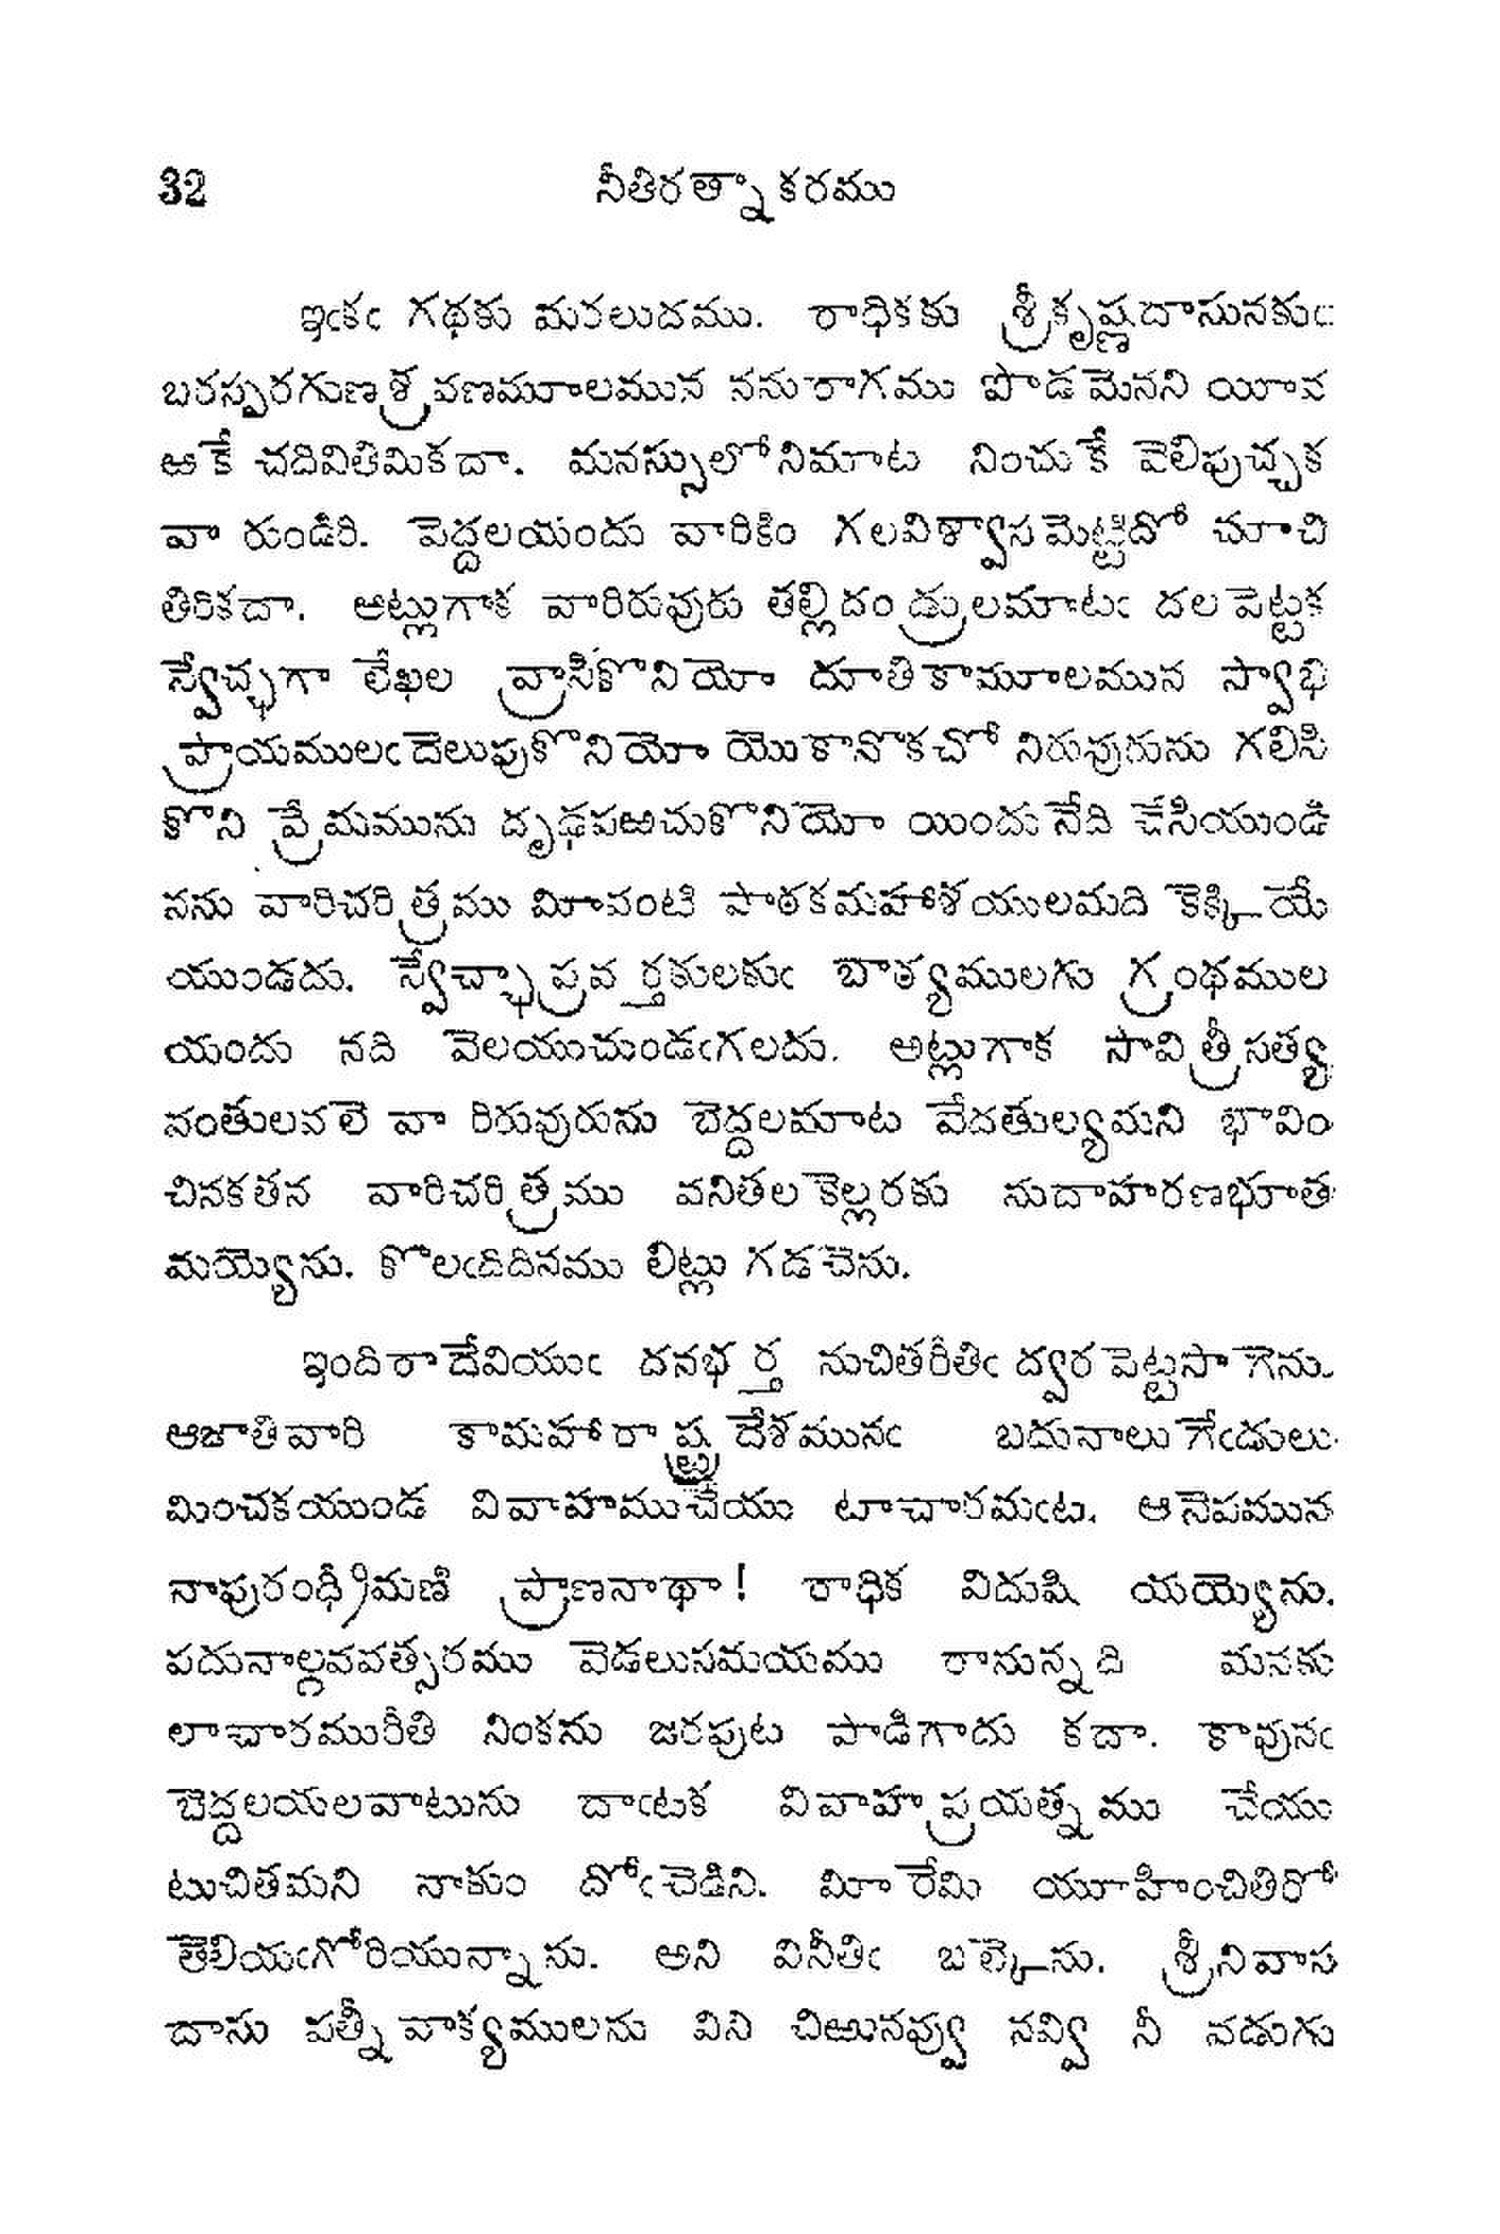ఇఁకఁ గథకు మరలుదము. రాధికకు శ్రీకృష్ణ దాసునకుఁ: బరస్పరగుణ శ్రవణమూలమున ననురాగము పొడ మెనని యీవఱకే చదివితిమికదా. మనస్సులో నిమాట నించు కే వెలిపుచ్చక వా రుండిరి. పెద్దలయందు వారికిం గలవిశ్వాస మెట్టిదో చూచితిరికదా. అట్లుగాక వారిరువురు తల్లిదండ్రులమాట: దల పెట్టక స్వేచ్చగా లేఖల వ్రాసికొనియో దూతికామూలమున స్వాభిప్రాయములఁ దెలుపుకొనియో యొకానొకచో నిరువురును గలిసి కొని ప్రేమమును దృఢపఱచుకొనియో యిందునేది చేసియుండి నను వారిచరిత్రము మీవంటి పాఠకమహాశయులమది కెక్కియే యుండదు. స్వేచ్ఛా ప్రవర్తకులకుఁ బాఠ్యములగు గ్రంథముల యందు నది వెలయుచుండఁగలదు. అట్లు గాక సావిత్రీ సత్య సంతులవలె వా రిరువురును 'బెద్దలమాట వేదతుల్యమని భావించినకతన వారిచరిత్రము వనితల కెల్లరకు నుదాహరణభూతమయ్యెను. కొలదిదినము లిట్లు గడచెను.

ఇందిరా దేవియుఁ దనభర్త నుచిత రీతిఁ ద్వర పెట్టసాగెను. ఆజాతి వారి కామహారాష్ట్ర, దేశమునఁ బదునాలు గేఁడులు మించక యుండ వివాహము చేయుటాచారమఁట. ఆ నెపమున నాపురంధ్రీమణి ప్రాణనాథా ! రాధిక విదుషి యయ్యెను. పదునాల్గవవత్సరము వెడలుసమయము రానున్నది మనకులాచారమురీతి నింకను జరపుట పాడి గాదు కదా. కావునం బెద్దలయలవాటును దాఁటక వివాహ ప్రయత్నము చేయుటుచితమని నాకుం దోఁచెడిని. మీరేమి యూహించితిరో తెలియఁగోరియున్నాను. అని వినీతిఁ బల్కెను. శ్రీనివాసదాసు పత్నీ వాక్యములను విని చిఱునవ్వు నవ్వి నీ వడుగు